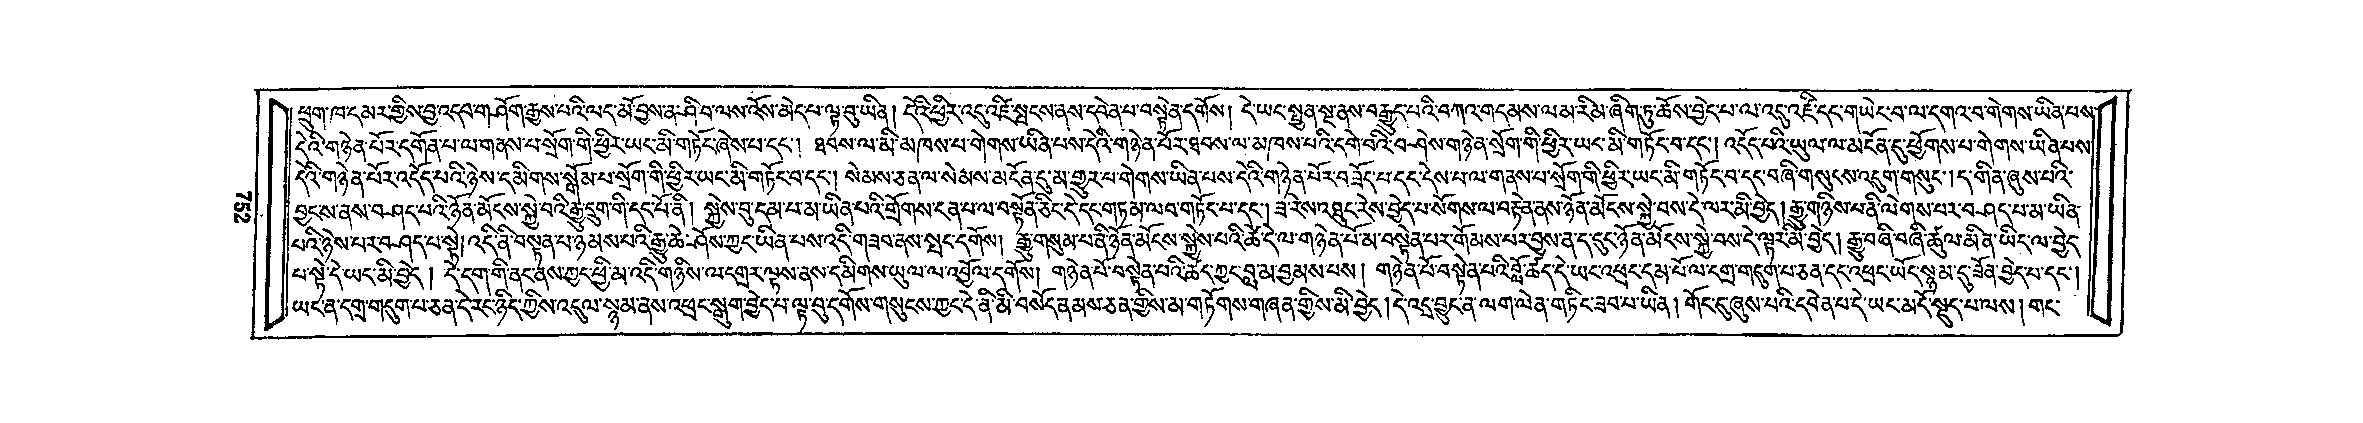ཕྲུག་ཁ་དམར་གྱིས་བྱ་འདབ་གཤོག་རྒྱས་པའི་ལད་མོ་བྱས་ན་ཤི་བ་ལས་འོས་མེད་པ་ལྟ་བུ་ཡིན། དེའི་ཕྱིར་འདུ་འཛི་སྤངས་ནས་དབེན་པ་བསྟེན་དགོས། དེ་ཡང་སྤྱན་སྔ་ནས་བརྒྱུད་པའི་བཀའ་གདམས་ལམ་རིམ་ཞིག་ཏུ་ཆོས་བྱེད་པ་ལ་འདུ་འཛི་དང་གཡེང་བ་ལ་དགའ་བ་གེགས་ཡིན་པས་
དེའི་གཉེན་པོར་དགོན་པ་ལ་གནས་པ་སྲོག་གི་ཕྱིར་ཡང་མི་གཏོང་ཞེས་པ་དང་། ཐབས་ལ་མི་མཁས་པ་གེགས་ཡིན་པས་དེའི་གཉེན་པོར་ཐབས་ལ་མཁས་པའི་དགེ་བའི་བཤེས་གཉེན་སྲོག་གི་ཕྱིར་ཡང་མི་གཏོང་བ་དང་། འདོད་པའི་ཡུལ་ལ་མངོན་དུ་ཕྱོགས་པ་གེགས་ཡིན་པས་
དེའི་གཉེན་པོར་འདོད་པའི་ཉེས་དམིགས་སྒོམ་པ་སྲོག་གི་ཕྱིར་ཡང་མི་གཏོང་བ་དང་། སེམས་ཅན་ལ་སེམས་མངོན་དུ་མ་གྱུར་པ་གེགས་ཡིན་པས་དེའི་གཉེན་པོར་བཟོད་པ་དང་དེས་པ་ལ་གནས་པ་སྲོག་གི་ཕྱིར་ཡང་མི་གཏོང་བ་དང་བཞི་གསུངས་འདུག་གསུང་། ད་གིན་ཞུས་པའི་
བྱང་ས་ནས་བཤད་པའི་ཉོན་མོངས་སྐྱེ་བའི་རྒྱུ་དྲུག་གི་དང་པོ་ནི། སྐྱེས་བུ་དམ་པ་མ་ཡིན་པའི་གྲོགས་ངན་པ་ལ་བསྟོན་ཅིང་དེ་དང་གཏམ་ལབ་གཏོང་པ་དང་། ཟ་རེས་འཐུང་རེས་བྱེད་པ་སོགས་ལ་བརྟེན་ནས་ཉོན་མོངས་སྐྱེ་བས་དེ་ལར་མི་བྱེད། རྒྱུ་གཉིས་པ་ནི་ལེགས་པར་བཤད་པ་མ་ཡིན་
པའི་ཉེས་པར་བཤད་པ་སྟེ། འདི་ནི་བསྟན་པ་ཉམས་པའི་རྒྱུ་ཆེ་ཤོས་ཀྱང་ཡིན་པས་འདི་གཟབ་ནས་སྤང་དགོས། རྒྱུ་གསུམ་པ་ནི་ཉོན་མོངས་སྐྱེས་པའི་ཚེ་དེ་ལ་གཉེན་པོ་མ་བསྟེན་པར་གོམས་པར་བྱས་ན་ད་དུང་ཉོན་མོངས་སྐྱེ་བས་དེ་ལྟར་མི་བྱེད། རྒྱུ་བཞི་བཞི་ཚུལ་མིན་ཡིད་ལ་བྱེད་
པ་སྟེ་དེ་ཡང་མི་བྱེད། དེ་དག་གི་ནང་ནས་ཀྱང་ཕྱི་མ་འདི་གཉིས་ལ་དགྲར་ལྟས་ནས་དམིགས་ཡུལ་ལ་འབྱོལ་དགོས། གཉེན་པོ་བསྟེན་པའི་ཚད་ཀྱང་བླ་མ་བྱམས་པས། གཉེན་པོ་བསྟེན་པའི་བློ་ཚད་དེ་ཡང་འཕྲང་དམ་པོ་ལ་དགྲ་གདུག་པ་ཅན་དང་འཕྲད་ཡོད་སྙམ་དུ་ཟོན་བྱེད་པ་དང་།
ཡང་ན་དགྲ་གདུག་པ་ཅན་དེ་རང་ཉིད་ཀྱིས་འདུལ་སྙམ་ནས་འཕྲང་སྒུག་བྱེད་པ་ལྟ་བུ་དགོས་གསུངས་ཀྱང་དེ་ནི་མི་བསོད་ནམས་ཅན་གྱིས་མ་གཏོགས་གཞན་གྱིས་མི་བྱེད། དེ་འདྲ་བྱུང་ན་ལག་ལེན་གཏིང་ཟབ་པ་ཡིན། གོང་དུ་ཞུས་པའི་དབེན་པ་དེ་ཡང་མདོ་སྡུད་པ་ལས། གང་